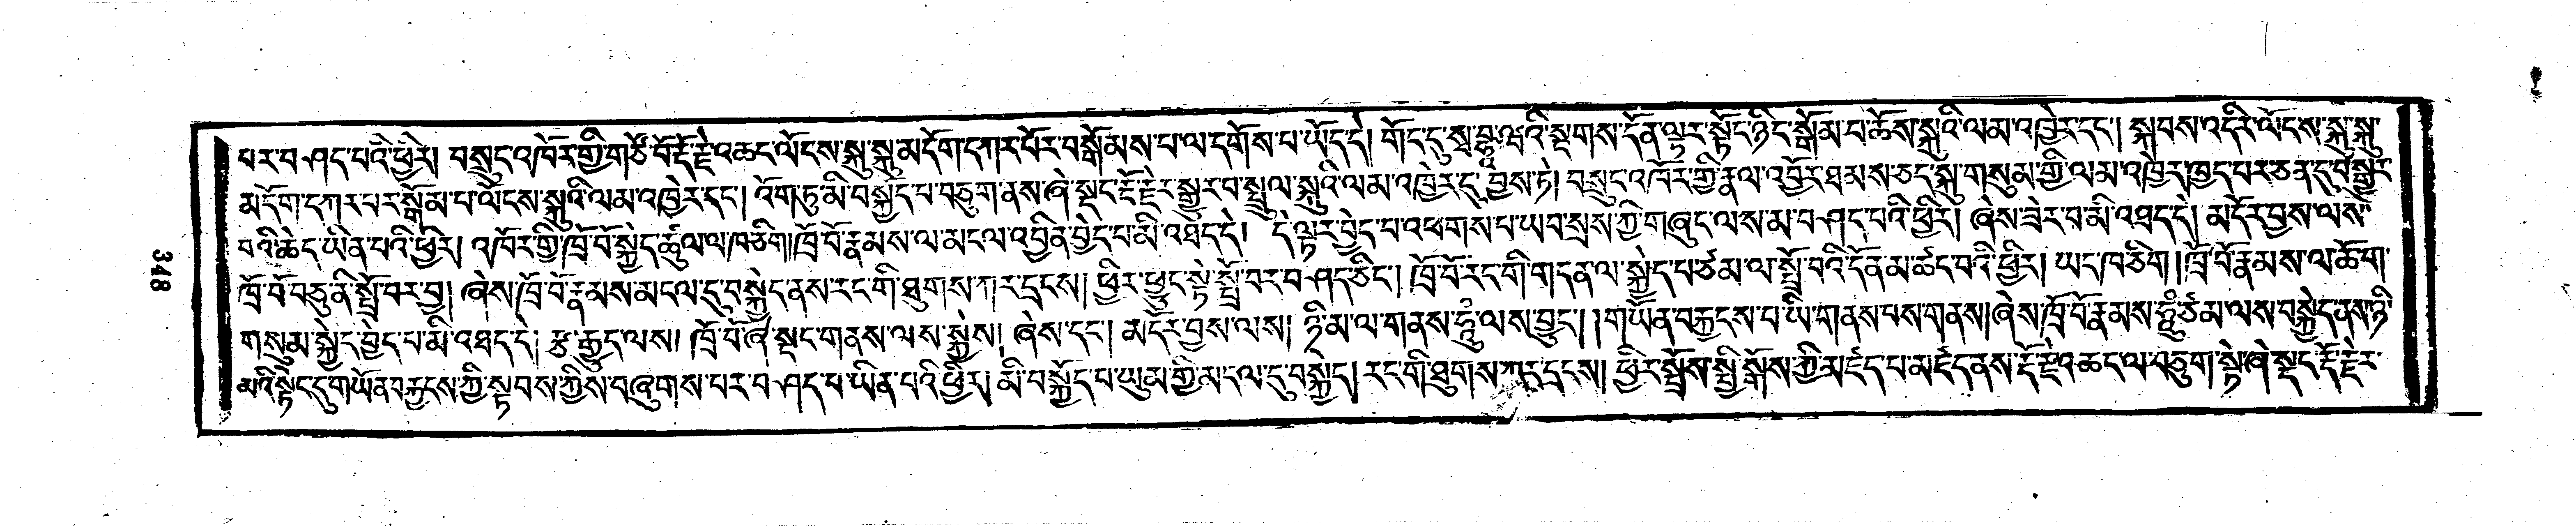པར་བཤད་པའི་ཕྱིར། བསྲུང་འཁོར་གྱི་གཙོ་བོ་རྡོ་རྗེ་འཆང་ལོངས་སྐུ་སྐུ་མདོག་དཀར་པོར་བསྒོམས་པ་ལ་དགོས་པ་ཡོད་དེ། གོང་དུ་སྭ་བྷཱ་ཝའི་སྔགས་དོན་ལྟར་སྟོང་ཉིད་སྒོམ་པ་ཆོས་སྐུའི་ལམ་འཁྱེར་དང་། སྐབས་འདིར་ལོངས་སྐུ་སྐུ་
མདོག་དཀར་པར་སྒོམ་པ་ལོངས་སྐུའི་ལམ་འཁྱེར་དང་། འོག་ཏུ་མི་བསྐྱོད་པ་བཅུག་ནས་ཞེ་སྡང་རྡོ་རྗེར་སྒྱུར་བ་སྤྲུལ་སྐུའི་ལམ་འཁྱེར་དུ་བྱས་ཏེ། བསྲུང་འཁོར་གྱི་རྣལ་འབྱོར་ཐམས་ཅད་སྐུ་གསུམ་གྱི་ལམ་འཁྱེར་བྱེད་པར་ཅན་དུ་བསྒྱུར་
པའི་ཆེད་ཡིན་པའི་ཕྱིར། འཁོར་གྱི་ཁྲོ་བོ་སྐྱེད་ཚུལ་ལ་ཁ་ཅིག །ཁྲོ་བོ་རྣམས་ལ་མངལ་འབྱིན་བྱེད་པ་མི་འཐད་དེ། དེ་ལྟར་བྱེད་པ་འཕགས་པ་ཡབ་སྲས་ཀྱི་གཞུང་ལས་མ་བཤད་པའི་ཕྱིར། ཞེས་ཟེར་བ་མི་འཐད་དེ། མདོར་བྱས་ལས་
ཁྲོ་བོ་བཅུ་ནི་སྤྲོ་བར་བྱ། ཞེས་ཁྲོ་བོ་རྣམས་མངལ་དུ་བསྐྱེད་ནས་རང་གི་ཐུགས་ཀར་དྲངས། ཕྱིར་ཕྱུང་སྟེ་སྤྲོ་བར་བཤད་ཅིང་། ཁྲོ་བོ་རང་གི་གདན་ལ་སྐྱེད་པ་ཙམ་ལ་སྤྲོ་བའི་དོན་མཚང་བའི་ཕྱིར། ཡང་ཁ་ཅིག །ཁྲོ་བོ་རྣམས་ལ་ཆོག་
གསུམ་སྐྱེད་བྱེད་པ་མི་འཐད་དེ། རྩ་རྒྱུད་ལས། ཁྲོ་བོ་ཞེ་སྡང་གནས་ལས་སྐྱེས། ཞེས་དང་། མདོར་བྱས་ལས། ཉི་མ་ལ་གནས་ཧཱུཾ་ལས་བྱུང་། །གཡོན་བརྐྱངས་པ་ཡི་གནས་པས་གནས། ཞེས་ཁྲོ་བོ་རྣམས་ཧཱུཾ་ཙམ་ལས་བསྐྱེད་ནས་ཉི་
མའི་སྟེང་དུ་གཡོན་བརྐྱངས་ཀྱི་སྟབས་ཀྱིས་བཞུགས་པར་བཤད་པ་ཡིན་པའི་ཕྱིར། མི་བསྐྱོད་པ་ཡུམ་གྱི་མངལ་དུ་བསྐྱེད། རང་གི་ཐུགས་ཀར་དྲངས། ཕྱིར་སྤྲོས་སྤྱི་སྒོས་ཀྱི་མཛད་པ་མཛད་ནས་རྡོ་རྗེ་འཆང་ལ་བཅུག་སྟེ་ཞེ་སྡང་རྡོ་རྗེར་